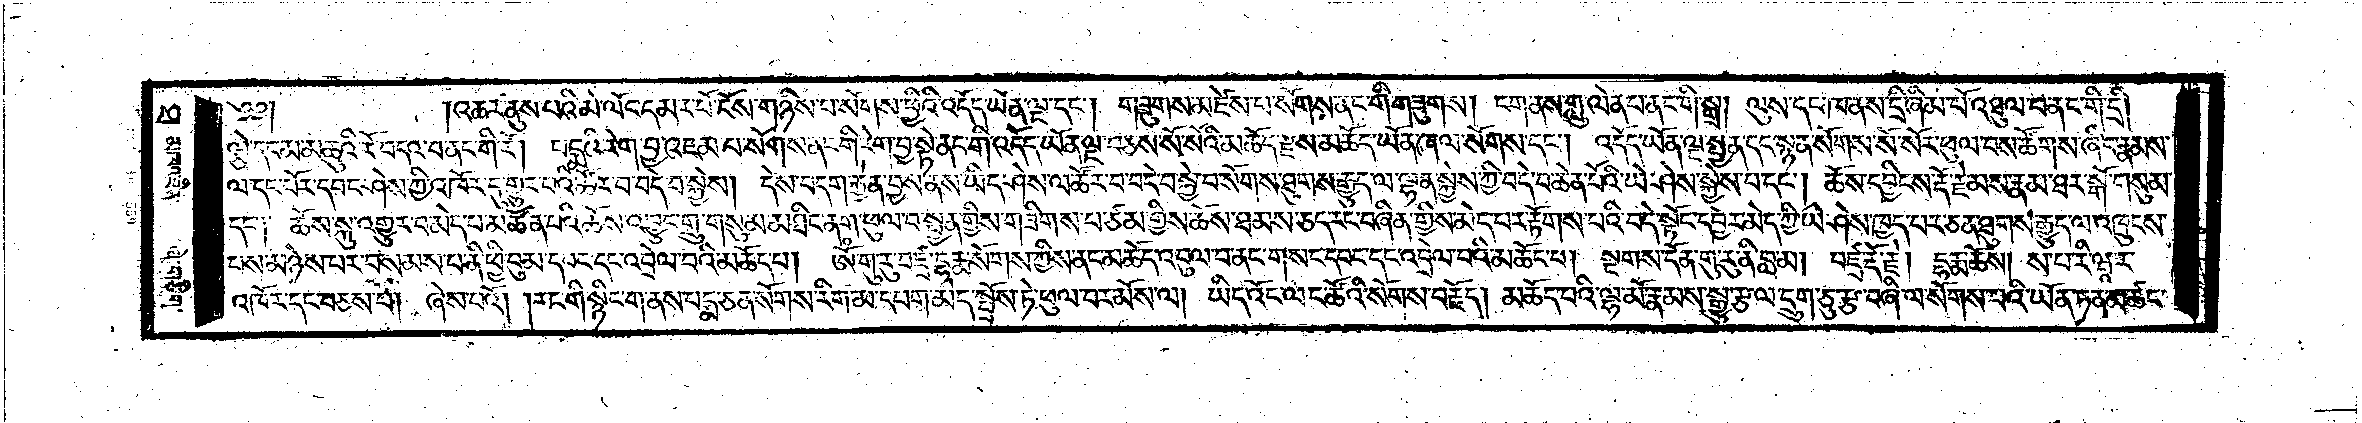༄༅། །འཆར་ནུས་པའི་མེ་ལོང་དམར་པོ་ངོས་གཉིས་པ་སོགས་ཕྱིའི་འདོད་ཡོན་ལྔ་དང་། གཟུགས་མཛེས་པ་སོགས་ནང་གི་གཟུགས། ངག་ནས་གླུ་ལེན་པ་ནང་གི་སྒྲ། ལུས་དང་ཁ་ནས་དྲི་ཞིམ་པོ་འཐུལ་བ་ནང་གི་དྲི།
ལྕེ་དང་མ་མཆུའི་རོ་བདའ་བ་ནང་གི་རོ། པདམའི་རེག་བྱ་འཇམ་པ་སོགས་ནང་གི་རེག་བྱ་སྟེ་ནང་གི་འདོད་ཡོན་ལྔ་བཅས་སོ་སོའི་མཆོད་རྫས་མཆོད་ཡོན་ཞལ་སོགས་དང་། འདོད་ཡོན་ལྔ་སྤྱན་དང་སྙན་སོགས་སོ་སོར་ཕུལ་བས་ཚོགས་ཞིང་རྣམས་
ལ་དང་པོར་དབང་ཤེས་ཀྱི་འཁོར་དུ་གྱུར་པའི་ཚོར་བ་བདེ་བ་སྐྱེས། དེས་བདག་རྐྱེན་བྱས་ནས་ཡིད་ཤེས་ལ་ཚོར་བ་བདེ་བ་སྐྱེ་བ་སོགས་ཐུགས་རྒྱུད་ལ་ལྷན་སྐྱེས་ཀྱི་བདེ་བ་ཆེན་པོའི་ཡེ་ཤེས་སྐྱེས་བ་དང་། ཆོས་དབྱིངས་རྡོ་རྗེ་མས་རྣམ་ཐར་སྒོ་གསུམ་
དང༑ ཆོས་སྐུ་འགྱུར་བ་མེད་པ་མཚོན་པའི་ཆོས་འབྱུང་གྲུ་གསུམ་མཐིང་ནག་ཕུལ་བ་སྤྱན་གྱིས་གཟིགས་པ་ཙམ་གྱིས་ཆོས་ཐམས་ཅད་རང་བཞིན་གྱིས་མེད་པར་རྟོགས་པའི་བདེ་སྟོང་དབྱེར་མེད་ཀྱི་ཡེ་ཤེས་ཁྱད་པར་ཅན་ཐུགས་རྒྱུད་ལ་འཁྲུངས་
པས་མཉེས་བར་བསམས་པ་ནི་ཕྱི་བུམ་དབང་དང་འབྲེལ་པའི་མཆོད་པ། ཨོཾ་གུ་རུ་བཛྲ་དྷརྨ་སོགས་ཀྱིས་ནང་མཆོད་འབུལ་བ་ནང་གསང་དབང་དང་འབྲེལ་བའི་མཆོད་པ། སྔགས་དོན་གུ་རུ་ནི་བླ་མ། བཛྲ་རྡོ་རྗེ། དྷརྨ་ཆོས། ས་པ་རི་ཝཱ་ར་
འཁོར་དང་བཅས་པ། ཞེས་པའོ། །རང་གི་སྙིང་ག་ནས་པདམ་ཅན་སོགས་རིག་མ་དཔག་མེད་སྤྲོས་ཏེ་ཕུལ་བར་མོས་ལ། ཡིད་འོང་ལང་ཚོའི་སོགས་བརྗོད། མཆོད་པའི་ལྷ་མོ་རྣམས་སྒྱུ་རྩལ་དྲུག་ཅུ་རྩ་བཞི་ལ་སོགས་པའི་ཡོན་ཏན་མ་ཚང་